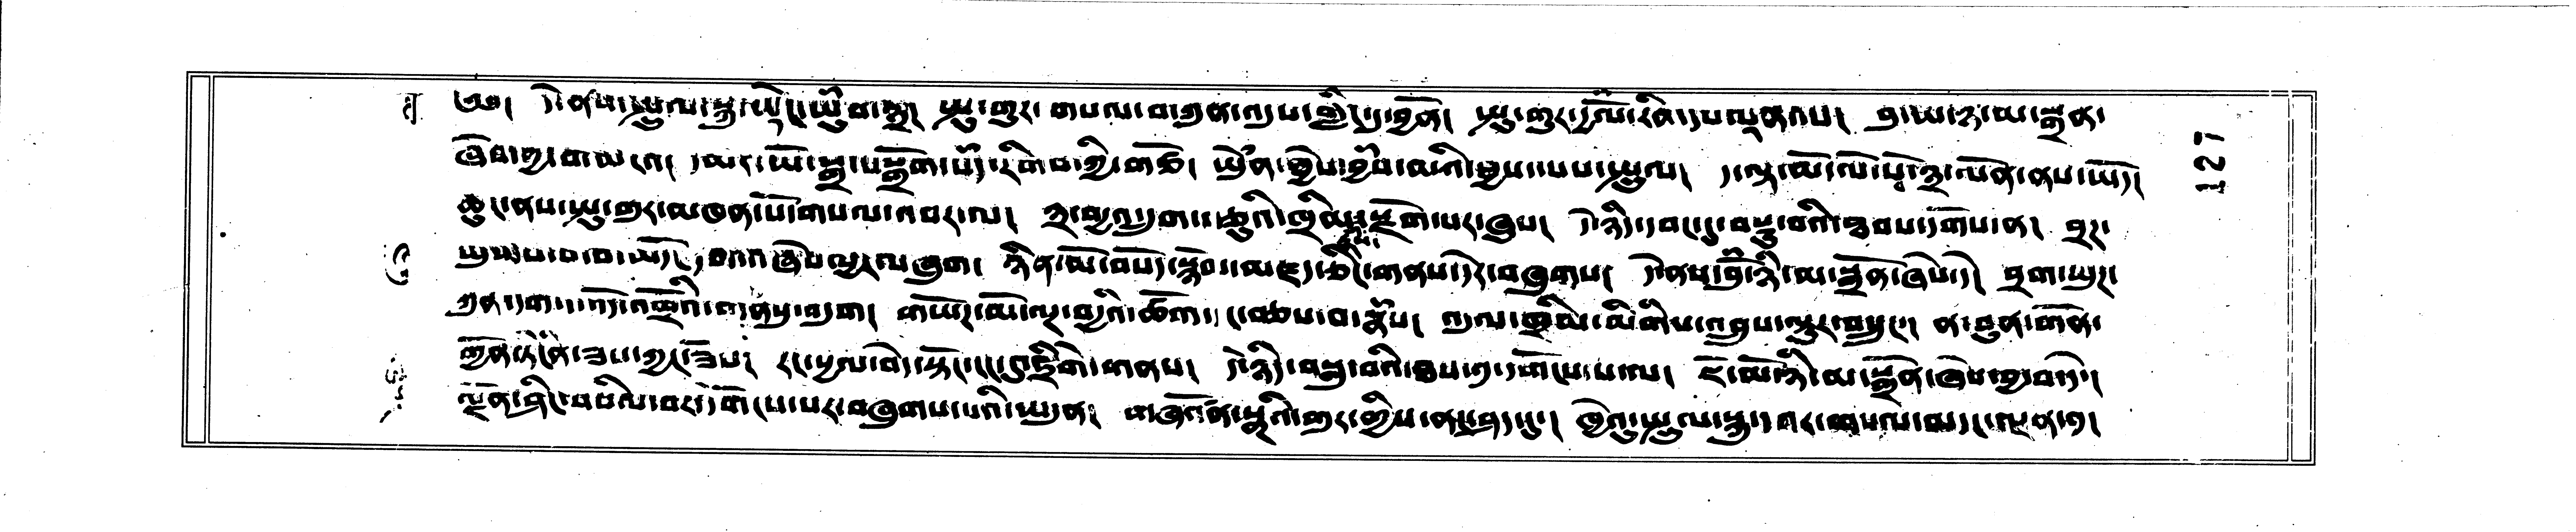དེ་ནས་སྤྲུལ་སྐུ་ཚེ་དབང་ཡབ་ཡུམ་གསུམ། སྤུ་གུར་གསལ་བ་ཀུན་འདུས་གླིང་དུ་བྱོན། སྤུ་གུར་རྒྱལ་པོ་རིན་ཆེན་དཔལ་ལྡན་ནས། བུ་མོ་ཉི་མ་སྒྲོན་
ཞེས་བྱ་བ་མངའ། དམར་མོ་སྒྲ་སྒྲོགས་པད་མ་རིགས་ཀྱི་གཙོ། ཡུམ་ཆེན་ཐུགས་རྗེ་བྱམས་མའི་ཐུགས་ལས་སྤྲུལ། ད་ལྟ་མོ་ལོ་སོ་གསུམ་ལོན་ནས་ཡོད། 
ཆུང་ནས་སྤུ་གུར་མཁན་པོ་གསལ་འབར་ལ། གསུམ་བརྒྱ་དྲུག་ཅུའི་ཁྲིམས་རྣམས་རྫོགས་པར་ཞུས། དེ་ཉིད་དབང་དུ་བསྡུ་བའི་ཐབས་དགོས་ན། བྲག་
ཕུག་གསལ་བ་མདོང་དགའ་ཞེས་བྱར་བཞུགས། ཉིན་མོ་བསོད་སྙོམས་མཛད་ཅིང་གནས་དེར་བཞུགས། དེ་ནས་བུ་མོ་ཉི་མ་སྒྲོན་ཞེས་དེ། བྲག་ཕུག་
ཀུན་དགའ་འོད་འཕྲོའི་གནས་སུ་འདུག གཡོག་མོ་ལྔ་བརྒྱའི་ཚོགས་དང་བཅས་པ་རྣམས། འདུལ་ཁྲིམས་མིག་གི་འབྲས་བུ་ལྟ་བུར་བསྲུང་། ན་བུན་གོས་
གྱོན་ཏིང་འཛིན་ཟས་ཀྱང་ཟོས། རང་གསལ་བདེ་སྟོང་ངང་དུ་ཧྲིག་གེ་གནས། དེ་ཉིད་བསླུ་བའི་ཐབས་ཅིག་དགོངས་པ་ལ། ཇོ་མོ་ཉི་མ་སྒྲོན་ཞེས་བྱ་བ་དེ། 
ལྗོན་ཤིང་བསིལ་བར་དགོངས་པར་བཞུགས་པའི་མདུན། གཞའ་ཚོན་སྣ་ལྔའི་གུར་གྱི་ནང་ཤེད་དུ། ཁྱེའུ་སྤྲུལ་སྐུ་དཀར་གསལ་མདངས་ལྡན་ཅིག